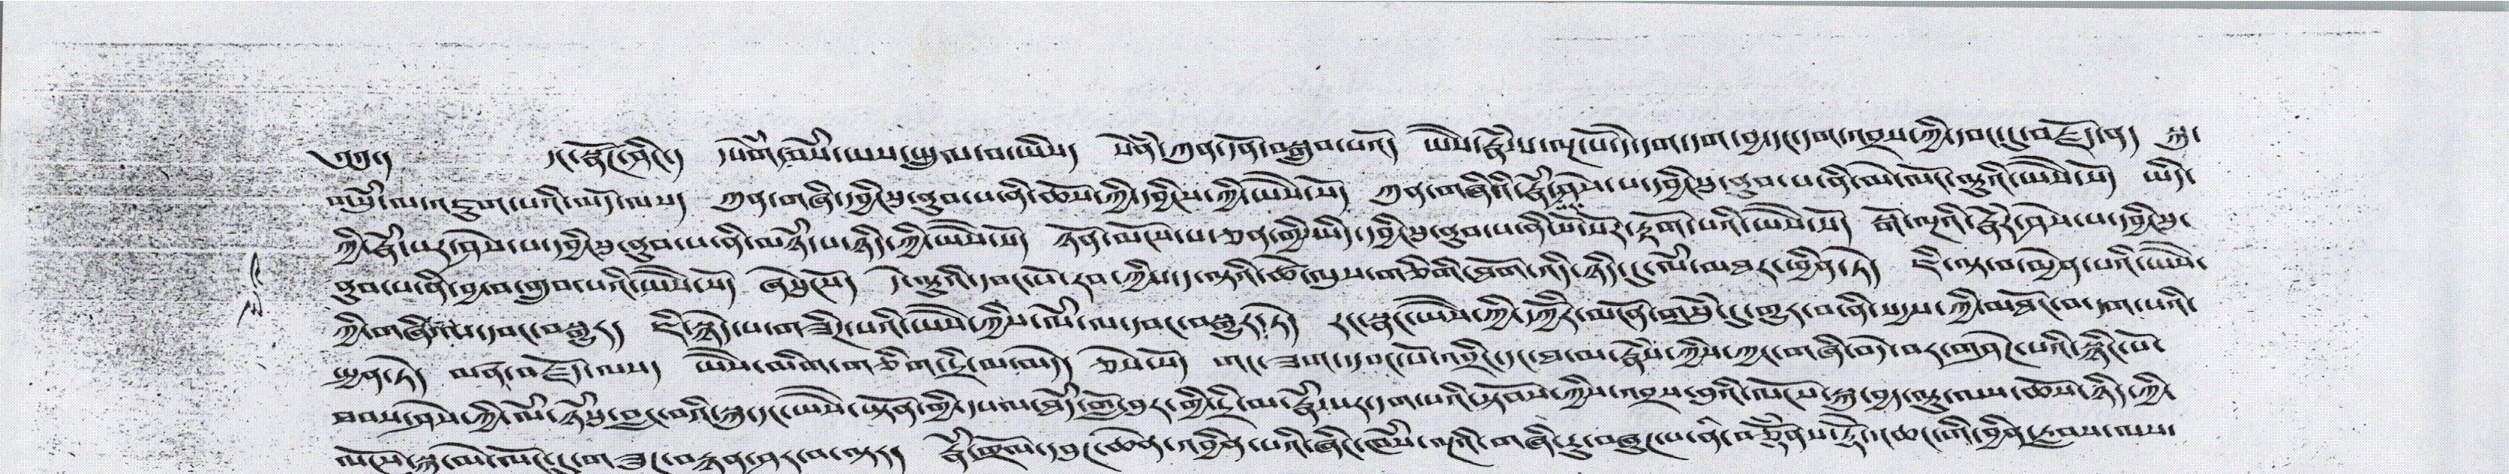དང་སྣ་ཚོགས་ཤིང། དཔག་མེད་བསམ་ཡས་སྤྲུལ་པ་ཡིས། སེམས་ཅན་ཀུན་དོན་བསྒྲུབ་པའོ། ཡེ་ཤེས་རྣམ་པ་ལྔ་པོ་དེ་དག་དག་བྱ་དང་དག་འབྲས་ཀྱི་དབང་དུ་བརྗོད་ན། སྐུ་
གསུམ་ལ་འཇུག་པའི་མདོ་ལས། ཀུན་གཞི་དབྱིངས་སུ་ནུབ་པ་ནི་ཆོས་ཀྱི་དབྱིངས་ཀྱི་ཡེ་ཤེས་སོ། ཀུན་གཞིའི་རྣམ་པར་ཤེས་པ་དབྱིངས་སུ་ནུབ་པ་ནི་མེ་ལོང་ལྟ་བུའི་ཡེ་ཤེས་སོ། ཡིད་
ཀྱི་རྣམ་པར་ཤེས་པ་དབྱིངས་ནུབ་པ་ནི་མཉམ་པ་ཉིད་ཀྱི་ཡེ་ཤེས་སོ། ཉོན་མོངས་པ་ཅན་གྱི་ཡིད་དབྱིངས་སུ་ནུབ་པ་ནི་སོ་སོར་རྟོག་པའི་ཡེ་ཤེས་སོ། སྒོ་ལྔའི་རྣམ་པར་ཤེས་པ་དབྱིངས་སུ་
ནུབ་པ་ནི་བྱ་བ་གྲུབ་པའི་ཡེ་ཤེས་སོ། ཞེས་གསུངས་སོ། དེ་ལྟ་བུའི་དབང་པོ་རབ་ཀྱིས་ད་ལྟའི་ཚེ་ལུས་གཅིག་གི་ཐོག་འདི་ཉིད་དུ་ལམ་མཐར་ཕྱིན་ཏེ། ཇི་ལྟ་བ་མཁྱེན་པའི་ཡེ་ཤེས་
ཀྱི་གཞི་ལ་དབང་བསྒྱུར། ཇི་སྙེད་པ་གཟིགས་པའི་ཡེ་ཤེས་ཀྱིས་ལམ་ལ་དབང་བསྒྱུར་ཏེ། རང་སྣང་ཡེ་ཤེས་ཀྱི་དཀྱིལ་འཁོར་མངོན་གསུམ་དུ་གྱུར་བ་ནི་སངས་རྒྱས་ཀྱི་མཐོང་བ་དག་པའི་
སྤྱན་ཏེ། མཚན་བརྗོད་ལས། ཡེ་ཤེས་མིག་གཅིག་དྲི་མ་མེད། ཅེས་སོ། གང་ཟག་དབང་པོ་འབྲིང་དང་ཐ་མ་རྣམས་ཀྱིས་ཀྱང་གཞི་བདེ་བར་གཤེགས་པའི་སྙིང་པོ་
ཐབས་ཤེས་ཀྱི་ལམ་ཉམས་སུ་བླང་བའི་སྐུ་དང་ཡེ་ཤེས་ཡོན་ཏན་གྱི་དཔལ་ཐམས་ཅད་གློ་བུར་གྱི་དྲི་མ་རྣམ་པར་དག་པའི་སྟོབས་ཀྱིས་འབྲས་བུའི་ལོངས་སྐུ་བྱད་ལྟ་བུ་ལས་ཆོས་ཉིད་ཀྱི་
ལོངས་སྐུ་མེ་ལོང་དུ་གཟུགས་བརྙན་ཤར་བ་ལྟར། རྣམ་གྲོལ་དབུགས་ཆེན་འབྱིན་པའི་ཞིང་ཁམས་ལྔའི་གཞི་རུ་བཞུགས་པ་ནི་བཅོམ་ལྡན་འདས་རྡོ་རྗེ་འཆང་གི་བྱིན་རླབས་ལས་